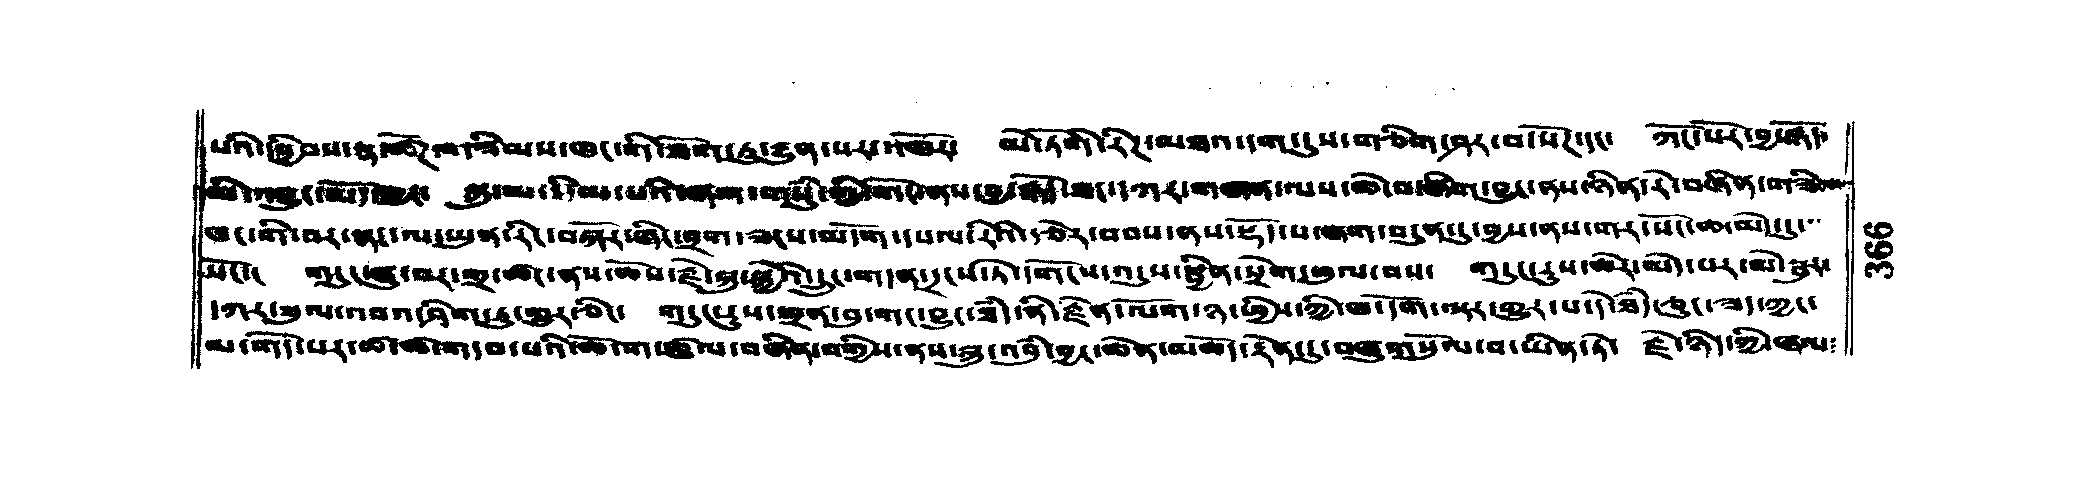པའི་དབྱིབས་སྣ་ཚོགས་གཟིམས་ཁང་གི་ཐོག་ཏུ་རྒྱུན་པར་འཁོར། མེ་ཏོག་རིགས་མཐའ་དག་དུས་གཅིག་ཤར་བ་སོགས་དང་། ཀོང་པོར་བྱ་རྒོད་
མི་འབྱུང་མོད་ཀྱང་། སྐུ་མ་ཐིམ་པའི་ཞག་གསུམ་གྱི་གོང་ནས་བྱ་རྒོད་ཐང་དཀར་གཞན་ལས་ཆེ་བ་ཞིག་བྱུང་ནས་ཉིན་རེ་བཞིན་གཟིམས་
ཁང་གི་བར་སྣང་ལ་ཡུན་རིང་བསྐོར་ཞིང་བྲག་ཟངས་མདོག་དཔལ་རིའི་རྩེར་བབས་ནས་སྡོད་པ་ཞག་བདུན་དུ་བྱས་ནས་གར་སོང་ཆ་མེད་དུ་
སོང་། གདུང་བཞུ་བར་གྲྭ་ཚང་ནས་ཆོས་རྗེ་སྐུ་སྐྱེའི་དྲུང་གདན་དྲངས་ཏེ་དགོངས་འདུས་སྦྱིན་སྲེག་ཕུལ་བས། གདུང་རུས་ཆེར་མེད་པར་མེ་སྦུར་
དཀར་ཐུལ་འབའ་ཤིག་ཏུ་གྱུར་ཅིང་། གདུང་རུས་ཕྲན་བུ་གང་བྱུང་ཐམས་ཅད་ནི་རྗེན་ལོག་ཉ་ཕྱིས་ཀྱི་ཁ་དོག་ལྟར་གྱུར་པ་དེ་ཐམས་ཅད་ཅུང་ཟད་ཀྱང་
མ་ཐོར་པར་སཙྪ་གདབ་པའི་ཆོ་ག་ཚུལ་བཞིན་བགྱིས་ནས་སྐུ་འབུམ་བྱང་ཆེན་མཆོད་རྟེན་དུ་བཞུགས་སུ་གསོལ་བ་ཡིན་ཏེ།རྗེ་ཉིད་ཀྱི་ཞལ་